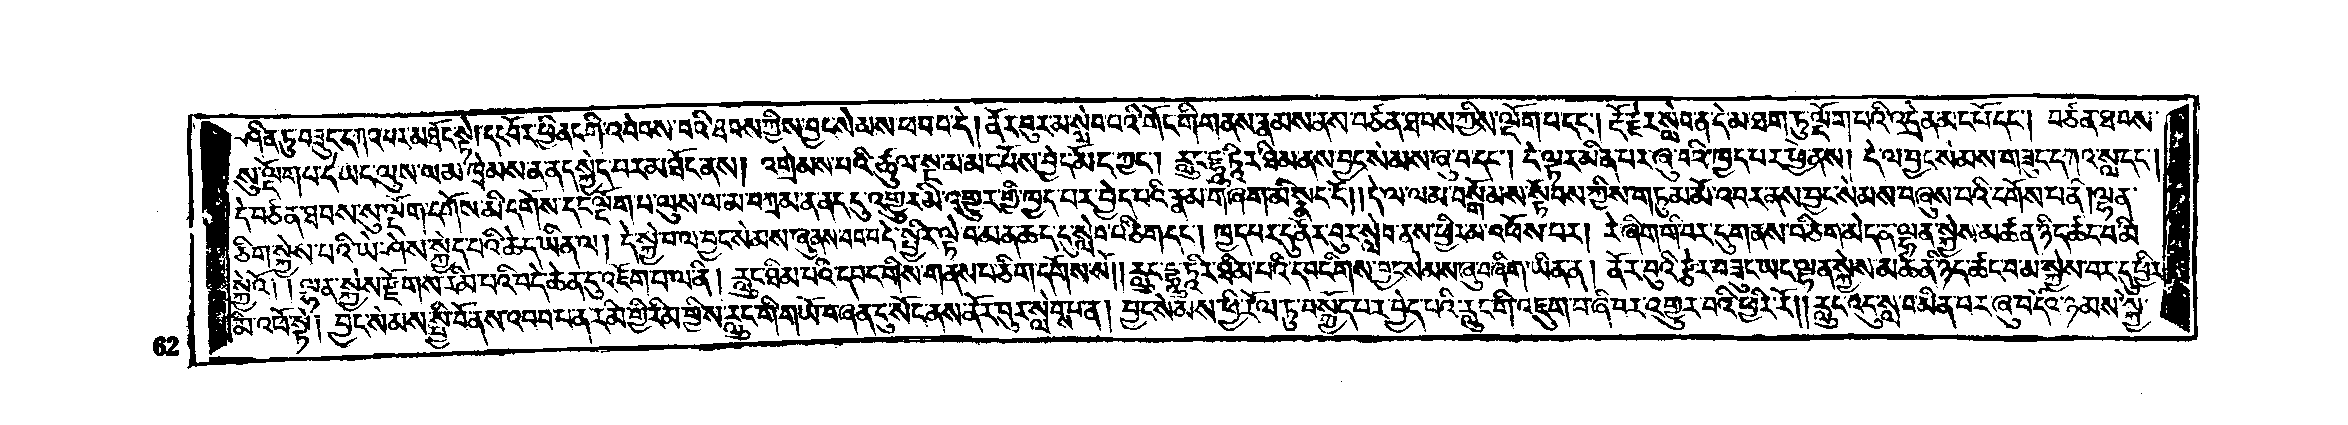ཤིན་ཏུ་བཟུང་དཀའ་བར་མཐོང་སྟེ། དང་པོར་ཕྱི་ནང་གི་འབེབས་པའི་ཐབས་ཀྱིས་བྱང་སེམས་ཕབ་པ་དེ། ནོར་བུར་མ་སླེབ་བའི་གོང་གི་གནས་རྣམས་ནས་བཙན་ཐབས་ཀྱིས་ལྡོག་པ་དང་། རྡོ་རྗེར་སླེབ་ན་དེ་མ་ཐག་ཏུ་ལྡོག་པའི་འདྲེན་མང་པོ་དང་། བཙན་ཐབས་
སུ་ལྡོག་པ་དེ་ཡང་ལུས་ལ་མ་ཁྲིམས་ན་ནད་སྐྱེད་པར་མཐོང་ནས། འགྲེམས་པའི་ཚུལ་སྔ་མ་མང་པོས་བྱེད་མོད་ཀྱང་། རླུང་དྷཱུ་ཏཱིར་ཐིམ་ནས་བྱང་སེམས་ཞུ་བ་དང་། དེ་ལྟར་མིན་པར་ཞུ་བའི་ཁྱད་པར་ཕྱེ་ནས། དེ་ལ་བྱང་སེམས་གཟུང་དཀའ་སླ་དང་།
དེ་བཙན་ཐབས་སུ་ལྡོག་དགོས་མི་དགོས་དང་ལྡོག་པ་ལུས་ལ་མ་བཀྲམ་ན་ནད་དུ་འགྱུར་མི་འགྱུར་གྱི་ཁྱད་པར་ཕྱེད་པའི་རྣམ་གཞག་མི་སྣང་ངོ། །དེ་ལ་ལམ་བསྒོམས་སྟོབས་ཀྱིས་གཏུམ་མོ་འབར་ནས་བྱང་སེམས་བཞུས་པའི་དགོས་པ་ནི། ལྷན་
ཅིག་སྐྱེས་པའི་ཡེ་ཤེས་སྐྱེད་པའི་ཆེད་ཡིན་ལ། དེ་སྐྱེ་བ་ལ་བྱང་སེམས་ཞུ་ནས་བབ་པ་དེ་སྤྱིར་ལྟེ་བ་མན་ཆད་དུ་སླེབ་པ་ཅིག་དང་། ཁྱད་པར་དུ་ནོར་བུར་སླེབ་ནས་ཕྱིར་མ་འཕོས་པར། རེ་ཞིག་གི་བར་དུ་གནས་པ་ཅིག་མེད་ན་ལྷན་སྐྱེས་མཚན་ཉིད་ཚང་བ་མི་
སྐྱེའོ། །ལྷན་སྐྱེས་རྫོགས་རིམ་པའི་བདེ་ཆེན་དུ་འཇོག་པ་ལ་ནི། རླུང་ཐིམ་པའི་དབང་གིས་གནས་པ་ཅིག་དགོས་སོ། །རླུང་དྷཱུ་ཏཱིར་ཐིམ་པའི་དབང་གིས་བྱང་སེམས་ཞུ་བ་ཞིག་ཡིན་ན། ནོར་བུའི་རྩེར་བཟུང་ཡང་ལྷན་སྐྱེས་མཚན་ཉིད་ཚང་བ་མ་སྐྱེས་བར་དུ་ཕྱིར་
མི་འཕོ་སྟེ། བྱང་སེམས་སྤྱི་བོ་ནས་འབབ་པ་ན་རིམ་གྱི་རིམ་གྱིས་རླུང་གི་གཡོ་བ་ཞན་དུ་སོང་ནས་ནོར་བུར་སླེབས་པ་ན། བྱང་སེམས་ཕྱི་རོལ་ཏུ་བསྐྱོད་པར་བྱེད་པའི་རླུང་གི་འཇུག་པ་ཞི་བར་འགྱུར་བའི་ཕྱིར་རོ། །རླུང་འདུ་སླ་བ་མིན་པར་ཞུ་བདེའི་ཉམས་སྐྱེ་